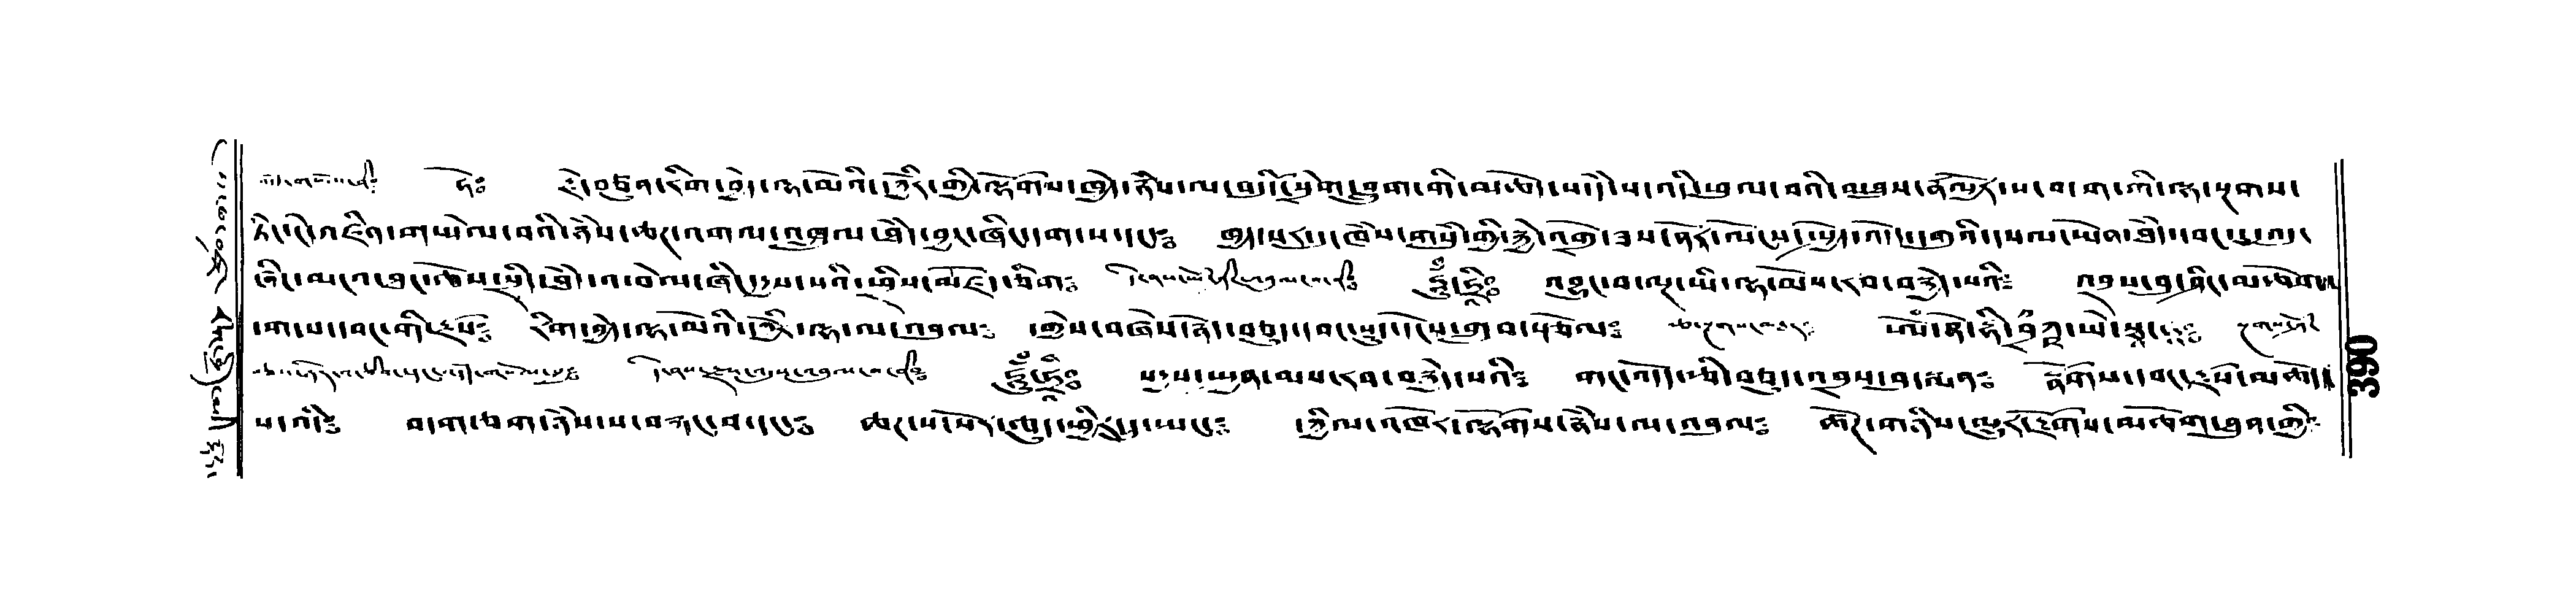འདོད་གསོལ་ནི༔ ཧོཿ རྗེ་བཙུན་རིག་བྱེད་ལྷ་མོའི་དཀྱིལ་འཁོར་གྱི་ལྷ་ཚོགས་ཁྱེད་རྣམས་ལ་བདུད་རྩི་སྲེག་བླུག་གི་མཆོད་པ་དམ་པ་འདི་ཕུལ་བའི་མཐུས་རྣལ་འབྱོར་པ་བདག་གི་ལྷ་སྔགས་
ཏིང་ངེ་འཛིན་གཡེལ་བའི་ཉམས་ཆགས་འགལ་འཁྲུལ་ཐམས་ཅད་བྱང་ཞིང་དག་པ་དང༔ ཁྱད་པར་དུ་ཁམས་གསུམ་གྱི་སྐྱེ་འགྲོ་ཟས་ནོར་ལཽངས་སྤྱོད་འདོད་དགུའི་དཔལ་ཡོན་ཐམས་ཅད་དབང་དུ་འདུ་
ཞིང་མངའ་ཐང་ཆོས་སྲིད་ཐམས་ཅད་འཕེལ་ཞིང་རྒྱས་པའི་ཕྲིན་ལས་མཛོད་ཅིག༔ དེ་ནས་ཡམ་ཤིང་འབུལ་བ་ནི༔ ཧཱུྃ་ཧྲཱིཿ འབྱུང་བ་ལྔ་ཡི་ལྷ་མོས་རབ་བསྐྱེད་པའི༔ འབྲས་བུ་ཤིང་མཆོག་
དག་པ་དབང་གི་རྫས༔ རིག་བྱེད་ལྷ་མོའི་དཀྱིལ་འཁོར་ལྷ་ལ་འབུལ༔ དགྱེས་བཞེས་སྣོད་བཅུད་དབང་སྡུད་དངོས་གྲུབ་སྩོལ༔ རྩ་སྔགས་མཐར༔ ཨོཾ་བྷོ་དྷི་བྲྀཀྵ་ཡེ་སྭཱ་ཧཱཿ སྔགས་ཤམ་
བཅས་ཉེར་གཅིག་དང་འདོད་གསོལ་བྱ༔ དེ་ནས་རྫས་འདུས་འབུལ་བ་ནི༔ ཧཱུྃ་ཧྲཱིཿ སངས་རྒྱས་སྤྱན་མས་རབ་བསྐྱེད་པའི༔ གང་འདོད་རྩི་བཅུད་འབྲས་བུ་སྨན༔ སྣ་ཚོགས་དབང་རྫས་མཆོད་
པ་འདི༔ བདག་ཅག་ཉམས་པ་བསྐང་བ་དང༔ ཆགས་པ་སོར་ཆུད་ཕྱིར་དུ་ཡང༔ དཀྱིལ་འཁོར་ལྷ་ཚོགས་རྣམས་ལ་འབུལ༔ ཚོགས་གཉིས་མྱུར་རྫོགས་མཆོག་ཐུན་གྱི༔